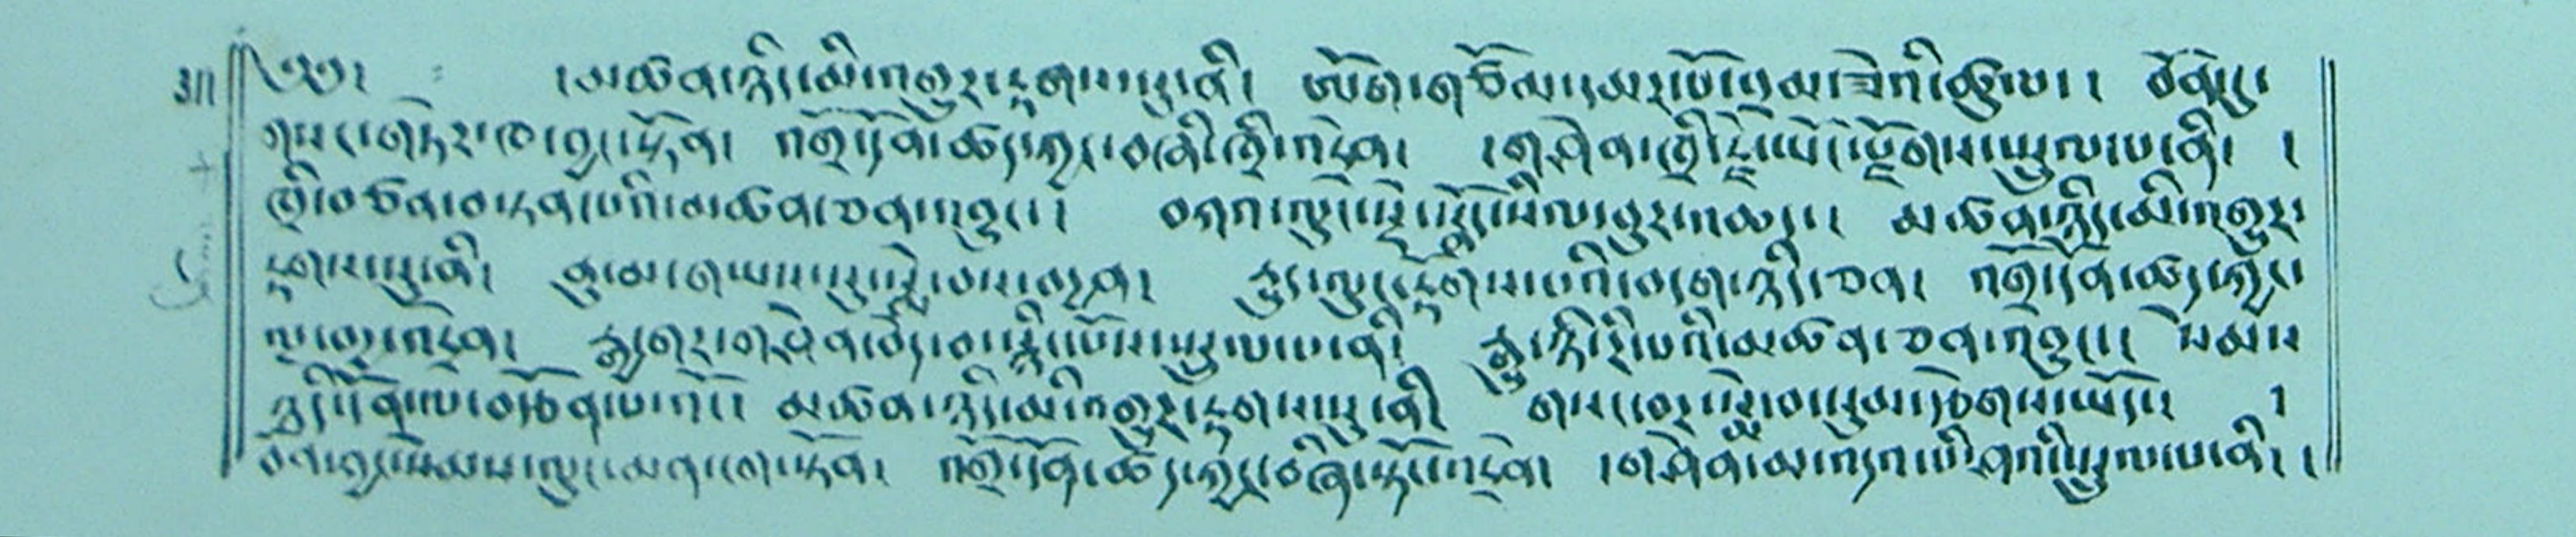༄༅། །མཚན་ཉིད་མི་འགྱུར་རྟགས་སུ་ནི། ཨོག་ཙོམ་དམར་པོ་བྲམ་ཟེའི་ཚུལ། བོན་དུ་
གསང་གཏེར་ཁ་བྱང་སྟོན། འགྲོ་དོན་ཚད་ཀྱང་བཞི་ཁྲི་འདྲེན། གཤེན་ཁྲི་རྗེ་ཡོངས་རྫོགས་སྤྲུལ་པ་ནི།
ཁྲི་བཙན་བསྟན་པའི་མཚན་ཅན་འབྱུང་། བཀའ་ལུང་སྡེ་སྣོད་སིལ་བུར་འཆད། མཚན་ཉིད་མི་འགྱུར་
རྟགས་སུ་ནི། ནུ་མ་གཡས་སུ་སྨེ་བས་བརྒྱན། རྒྱུད་ལུང་རྟོགས་པའི་བདག་ཉིད་ཅན། འགྲོ་དོན་ཚད་ཀྱང་
ལྔ་བརྒྱའ་འདྲེན། རྒྱ་གར་གཤེན་བདེ་བ་སྙིང་པོའི་སྤྲུལ་པ་ནི། རྒྱུ་ཉི་རི་པའི་མཚན་ཅན་འབྱུང་། སེམས་
ཉིད་དོན་ལ་བརྩོན་པ་འོང་། མཚན་ཉིད་མི་འགྱུར་རྟགས་སུ་ནི། གསང་བར་སྨེ་བ་སུམ་བརྩེགས་ཡོད། 
བོན་ཀྱང་སེམས་ལུང་མན་ངག་སྟོན། འགྲོ་དོན་ཚད་ཀྱང་བཞི་སྟོང་འདྲེན། གཤེན་མ་འདའ་པུ་ཤའི་སྤྲུལ་པ་ནི།